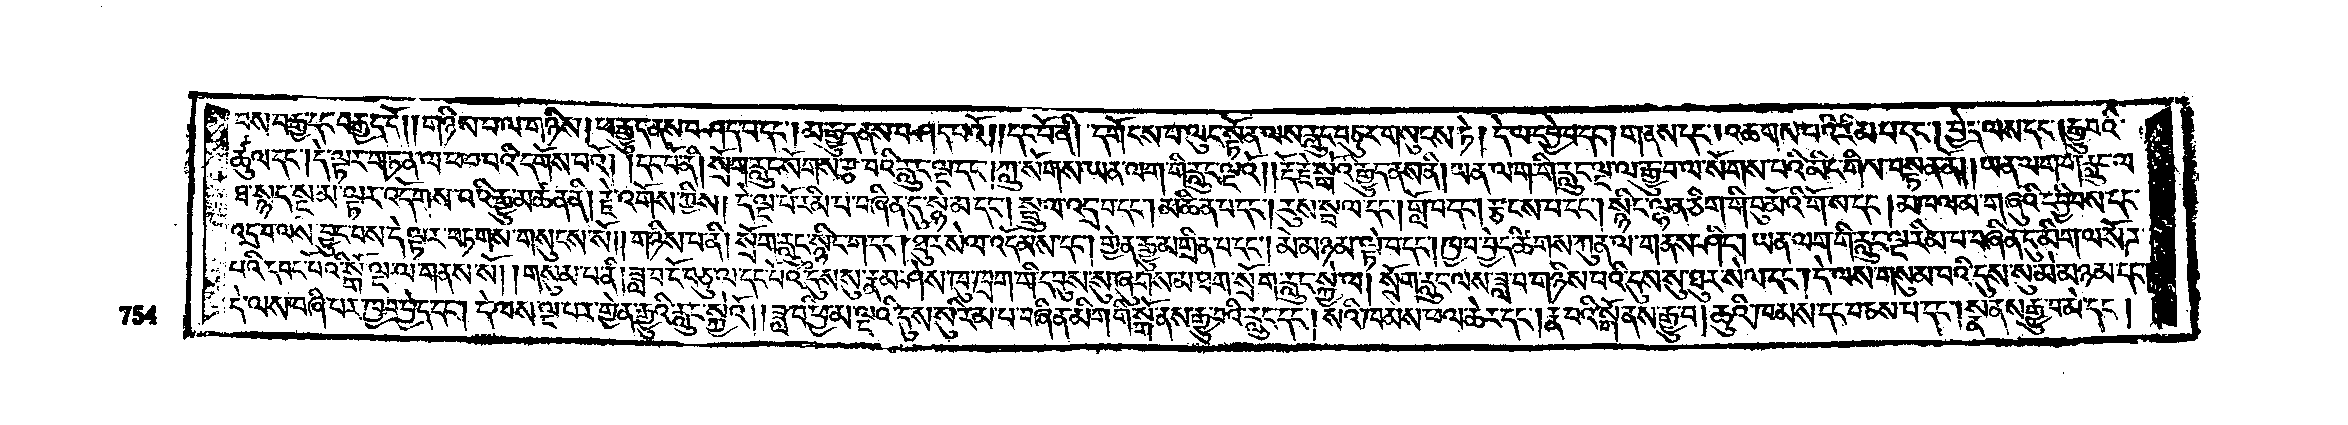བས་བརྒྱ་དང་བརྒྱད་དོ། །གཉིས་པ་ལ་གཉིས། ཕ་རྒྱུད་ནས་བཤད་པ་དང་། མ་རྒྱུད་ནས་བཤད་པའོ། །དང་པོ་ནི། དགོངས་པ་ལུང་སྟོན་ལས་རླུང་བཅུར་གསུངས་ཏེ། དེ་ལ་དབྱེ་བ་དང་། གནས་དང་། འཆགས་པའི་རིམ་པ་དང་། བྱེད་ལས་དང་། རྒྱུ་བའི་
ཚུལ་དང་། དེ་ལྟར་གཏན་ལ་ཕབ་པའི་དགོས་པའོ། །དང་པོ་ནི། སྲོག་རླུང་སོགས་རྩ་བའི་རླུང་ལྔ་དང་། ཀླུ་སོགས་ཡན་ལག་གི་རླུང་ལྔའོ། །རྡོ་རྗེ་སྒོའི་རྒྱུད་ནས་ནི། ཡན་ལག་གི་རླུང་ལྔ་ལ་རྒྱུ་བ་ལ་སོགས་པའི་མིང་གིས་བསྟན་ནོ། །ཡན་ལག་གི་རླུང་ལ་
ཐ་སྙད་སྔ་མ་ལྟར་འདོགས་པའི་རྒྱུ་མཚན་ནི། རྗེ་འགོས་ཀྱིས། དེ་ལྔ་པོ་རིམ་པ་བཞིན་དུ་སྙེ་མ་དང་། སྦྲུལ་འདྲ་བ་དང་། མཆིན་པ་དང་། རུས་སྦལ་དང་། གློ་བ་དང་། རྩངས་པ་དང་། སྙིང་ལྷན་ཅིག་གི་བུ་མོའི་གོ་ས་དང་། མཁལ་མ་གཞུའི་དབྱིབས་དང་
འདྲ་བ་ལས་བྱུང་བས་དེ་ལྟར་བཏགས་གསུངས་སོ། །གཉིས་པ་ནི། སྲོག་རླུང་སྙིང་ག་དང་། ཐུར་སེལ་འདོམས་དང་། གྱེན་རྒྱུ་མགྲིན་པ་དང་། མེ་མཉམ་ལྟེ་བ་དང་། ཁྱབ་བྱེད་ཚིགས་ཀུན་ལ་གནས་ཤིང་། ཡན་ལག་གི་རླུང་ལྔ་རིམ་པ་བཞིན་དུ་མིག་ལ་སོགས་
པའི་དབང་པོའི་སྒོ་ལྔ་ལ་གནས་སོ། །གསུམ་པ་ནི། ཟླ་བ་ངོ་བཅུ་ལ་དང་པོའི་དུས་སུ་རྣམ་ཤེས་ཁུ་ཁྲག་གི་དབུས་སུ་ཞུགས་མ་ཐག་སྲོག་རླུང་སྐྱེ་ལ། སྲོག་རླུང་ལས་ཟླ་བ་གཉིས་པའི་དུས་སུ་ཐུར་སེལ་དང་། དེ་ལས་གསུམ་པའི་དུས་སུ་མེ་མཉམ་དང་།
དེ་ལས་བཞི་པར་ཁྱབ་བྱེད་དང་། དེ་ལས་ལྔ་པར་གྱེན་རྒྱུའི་རླུང་སྐྱེའོ། །ཟླ་བ་ཕྱི་མ་ལྔའི་དུས་སུ་རིམ་པ་བཞིན་མིག་གི་སྒོ་ནས་རྒྱུ་བའི་རླུང་དང་། སའི་ཁམས་ཕལ་ཆེར་དང་། རྣ་བའི་སྒོ་ནས་རྒྱུ་བ། ཆུའི་ཁམས་དང་བཅས་པ་དང་། སྣ་ནས་རྒྱུ་བ་མེ་དང་།